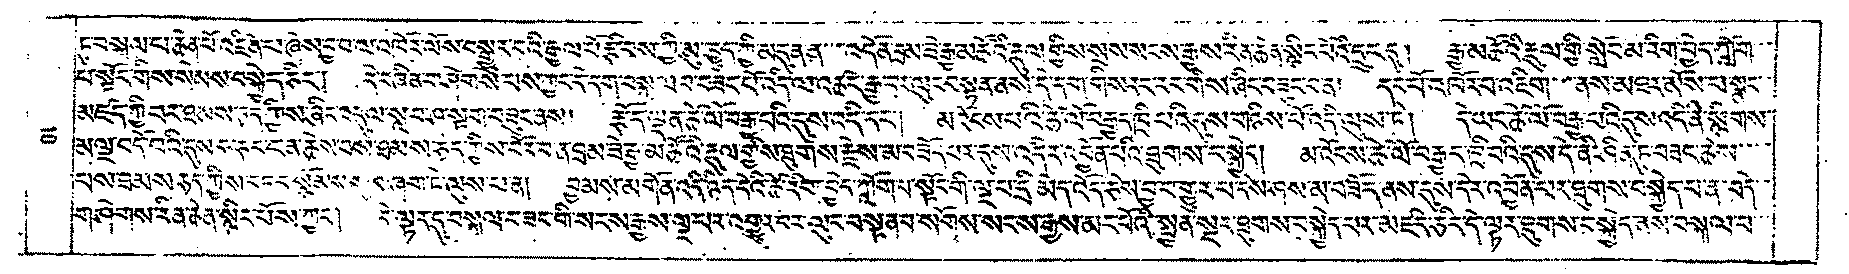ཏུ་བསྐལ་པ་ཆེན་པོ་འཛིན་པ་ཞེས་བྱ་བ་ལ་འཁོར་ལོས་བསྒྱུར་བའི་རྒྱལ་པོ་རྩིབས་ཀྱི་མུ་ཁྱུད་ཀྱི་མདུན་ན་འདོན་བྲམ་ཟེ་རྒྱ་མཚོའི་རྡུལ་གྱིས་སྲས་སངས་རྒྱས་རིན་ཆེན་སྙིང་པོའི་དྲུང་དུ། རྒྱ་མཚོའི་རྡུལ་གྱི་སློབ་མ་རིག་བྱེད་ཀློག་
པ་སྟོང་གིས་སེམས་བསྐྱེད་ཅིང་། དེ་བཞིན་གཤེགས་པས་ཀྱང་དེ་དག་བསྐལ་བ་བཟང་པོ་འདི་ལ་འཚང་རྒྱ་བར་ལུང་བསྟན་ནས་དེ་དག་གིས་རང་རང་གིས་ཞིང་བཟུང་བ་ན། དང་པོ་འཁོར་བ་འཇིག་ནས་མཐར་མོས་པ་སྣང་
མཛད་ཀྱི་བར་ཐམས་ཅད་ཀྱིས་ཞིང་འདུལ་སླ་བ་ཤ་སྟག་བཟུང་ནས། རྩོད་ལྡན་ཚེ་ལོ་བརྒྱ་པའི་དུས་འདི་དང་། མ་འོངས་པའི་ཚེ་ལོ་བརྒྱད་ཁྲི་པའི་དུས་གཉིས་པོ་འདི་ལུས་ཏེ། དེ་ཡང་ཚེ་ལོ་བརྒྱ་པའི་དུས་འདི་ནི་སྙིགས་
མ་ལྔ་བདོ་བའི་དུས་ཧ་ཅང་ངན་ཆེས་བས་ཐམས་ཅད་ཀྱིས་བོར་བ་ན་བྲམ་ཟེ་རྒྱ་མཚོའི་རྡུལ་གྱིས་ཐུགས་རྗེས་མ་བཟོད་པར་དུས་འདིར་འབྱོན་པའི་ཐུགས་བསྐྱེད། མ་འོངས་ཚེ་ལོ་བརྒྱད་ཁྲི་བའི་དུས་དེ་ནི་ཤིན་ཏུ་བཟང་ཆེས་
པས་ཐམས་ཅད་ཀྱིས་བཏང་སྙོམས་སུ་གཞག་ཏེ་ལུས་པ་ན། བྱམས་མགོན་འདི་ཉིད་དེའི་ཚེ་རིག་བྱེད་ཀློག་པ་སྟོང་གི་ལྔ་པ་དྲི་མེད་འོད་ཅེས་བྱ་བ་གྱུར་པ་དེས་ཤས་མ་བཟོད་ནས་དུས་དེར་འབྱོན་པར་ཐུགས་བསྐྱེད་པ་ན་བདེ་
གཤེགས་རིན་ཆེན་སྙིང་པོས་ཀྱང་། དེ་ལྟར་དུ་བསྐལ་བཟང་གི་སངས་རྒྱས་ལྔ་པར་འགྱུར་བར་ལུང་བསྟན་པ་སོགས་སངས་རྒྱས་མང་པོའི་སྤྱན་སྔར་ཐུགས་བསྐྱེད་པར་མཛད་ཅིང་དེ་ལྟར་ཐུགས་བསྐྱེད་ནས་བསྐལ་པ་